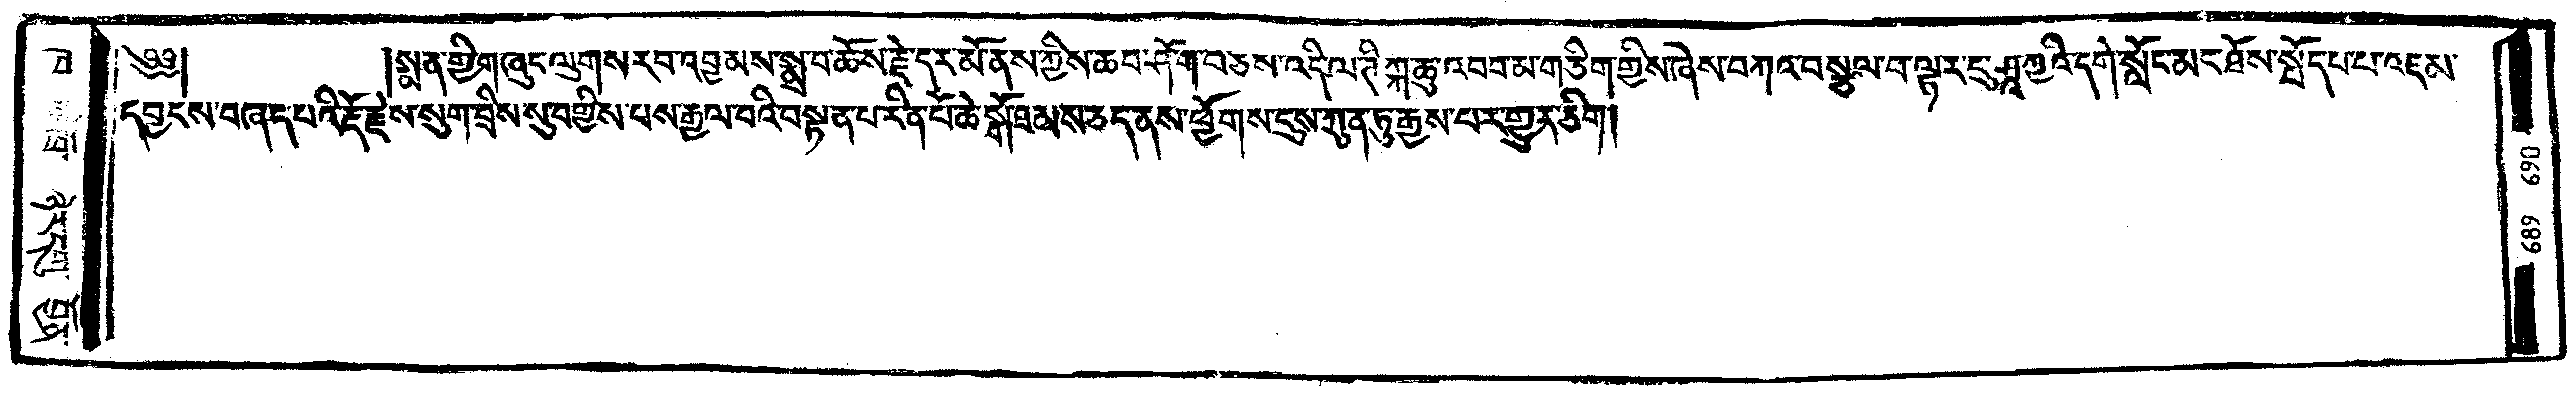༄༅། །སྨན་གྱི་གཞུང་ལུགས་རབ་འབྱམས་སྨྲ་བ་ཆོས་རྗེ་དར་མོ་ནས་ཀྱིས་ཆབ་ཤོག་བཅས་འདི་ལ་ཊིཀྐ་ཆུ་འབབ་མ་གཅིག་གྱིས་ཞེས་བཀའ་བསྩལ་བ་ལྟར་དུ་ཤཱཀྱའི་དགེ་སློང་མང་ཐོས་སྤོད་པ་པ་འཇམ་
དབྱངས་བཞད་པའི་རྡོ་རྗེས་སུག་བྲིས་སུ་བགྱིས་པས་རྒྱལ་བའི་བསྟན་པ་རིན་པོ་ཆེ་སྒོ་ཐམས་ཅད་ནས་ཕྱོགས་དུས་ཀུན་ཏུ་རྒྱས་པར་གྱུར་ཅིག།